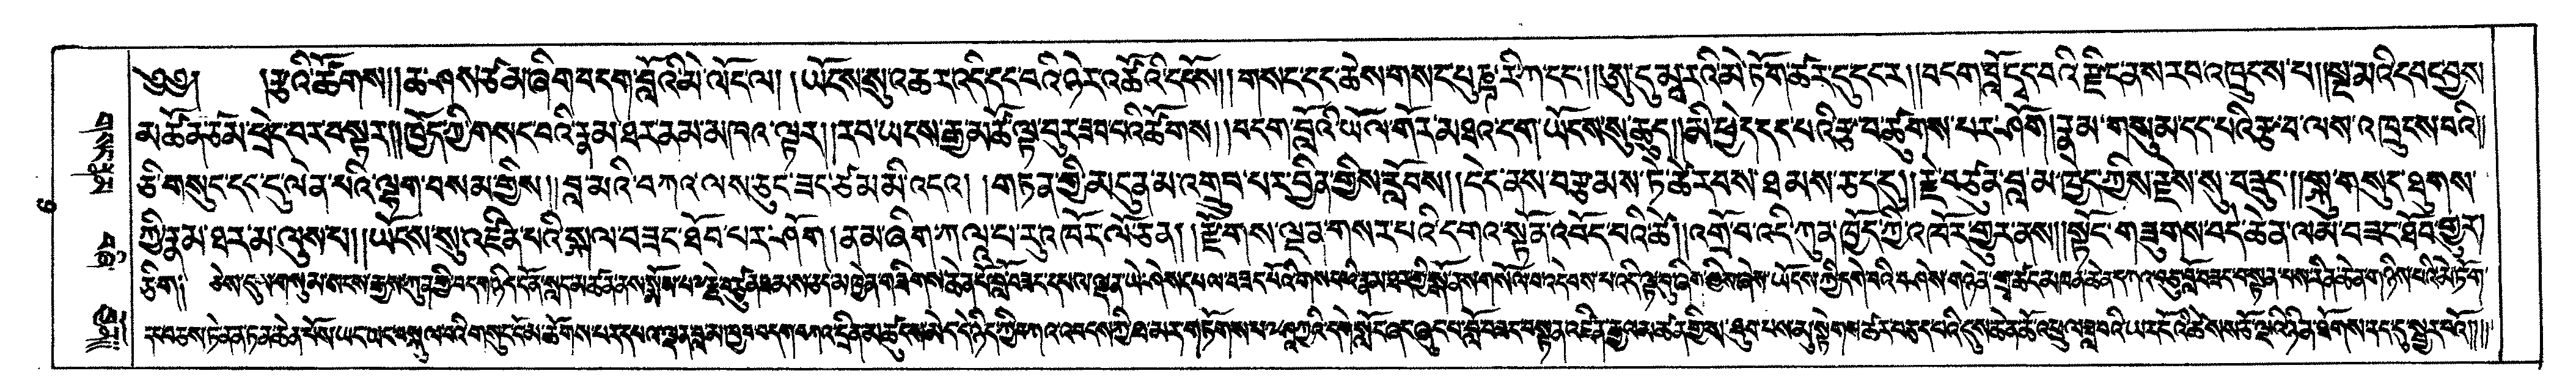༄༅། །རྩའི་ཚོགས། །ཆ་ཤས་ཙམ་ཞིག་བདག་བློའི་མེ་ལོང་ལ། །ཡོངས་སུ་འཆར་འདི་དད་པའི་ཉེར་འཚོའི་དངོས། །གསང་དང་ཆེས་གསང་པུཎྜ་རི་ཀ་དང་། །ཨུ་དུམྭ་རའི་མེ་ཏོག་ཚར་དུ་དངར། །བདག་བློ་དྭང་བའི་རྫིང་ནས་རབ་འཁྲུངས་པ། སྔ་མའི་དབང་བྱས་
མཚོན་ཙམ་ཕྲེང་བར་བསྟར། །ཁྱོད་ཀྱི་གསང་བའི་རྣམ་ཐར་ནམ་མཁའ་ལྟར། །རབ་ཡངས་རྒྱ་མཚོ་ལྟ་བུར་ཟབ་པའི་ཚོགས། །བདག་བློའི་ཡོལ་གོར་མཐའ་དག་ཡོངས་སུ་ཆུང་། །མི་ཕྱེད་དད་པའི་རྩ་བ་ཚུགས་པར་ཤོག །རྣམ་གསུམ་དད་པའི་རྩ་བ་ལས་འཁྲུངས་པའི་
ཅི་གསུང་དང་དུ་ལེན་པའི་ལྷག་བསམ་གྱིས། །བླ་མའི་བཀའ་ལས་ཅུང་ཟད་ཙམ་མི་འདའ། །གཏན་གྱི་མདུན་མ་འགྲུབ་པར་བྱིན་གྱིས་རློབས། །དེང་ནས་བརྩམས་ཏེ་ཚེ་རབས་ཐམས་ཅད་དུ། །རྗེ་བཙུན་བླ་མ་ཁྱེད་ཀྱིས་རྗེས་སུ་བཟུང་། །སྐུ་གསུང་ཐུགས་
ཀྱི་རྣམ་ཐར་མ་ལུས་པ། །ཡོངས་སུ་འཛིན་པའི་སྐལ་བཟང་ཐོབ་པར་ཤོག །ནམ་ཞིག་ཀ་ལཱ་པ་རུ་འཁོར་ལོ་ཅན། །རྫོགས་ལྡན་གསར་པའི་དགའ་སྟོན་འབོད་པའི་ཚེ། །འགྲོ་བ་འདི་ཀུན་ཁྱོད་ཀྱི་འཁོར་གྱུར་ནས། །སྟོང་གཟུགས་བདེ་ཆེན་ལམ་བཟང་ཐོག་གྱུར་
ཅིག། ཅེས་དུས་གསུམ་སངས་རྒྱས་ཀུན་གྱི་བདག་ཉིད་དོན་སླད་མཚན་ནས་སྨོས་བ་བརྗེ་བཙུན་ཐམས་ཅད་མཁྱེན་གཟིགས་ཆེན་བོ་བློ་བཟང་དཔལ་ལྡན་ཡེ་ཤེས་དཔལ་བཟང་པོའི་གསང་བའི་རྣམ་ཐར་གྱི་སྒོ་ནས་གསོལ་བ་འདེབས་པ་འདི་ལྟ་བུ་ཞིག་གྱིས་ཞེས་ཡོངས་ཀྱི་དགེ་བའི་བཤེས་གཉེན་གྲྭ་ཚང་མཁན་ཆེན་དཀའ་བཅུ་བློ་བཟང་བསྟན་པས་རིན་ཆེན་གཉིས་པའི་མེ་ཏོག་
དང་བཅས་ཏེ་ནན་ཏན་ཆེན་པོས་ཡང་ཡང་བསྐུལ་བའི་གསུང་ངོ་མ་ཆོགས་བར་དཔལ་ལྡན་བླ་མ་ཁྱབ་བདག་བཀའ་དྲིན་མཚུངས་མེད་དེ་ཉིད་ཀྱི་བཀའ་འབངས་ཀྱི་ཐ་མར་གཏོགས་པ་༧་ཤཱཀྱའི་དགེ་སློང་ཞང་ཞུང་པ་བློ་བཟང་བསྟན་འཛིན་རྒྱལ་མཚན་གྱིས་༧་ཐུབ་པས་མུ་སྟེགས་ཚར་བཅང་བའི་དུས་ཆེན་ཆོ་འཕྲུལ་ཟླ་བའི་ཡར་ངོའི་ཆིས་བཅོ་ལྔའི་ཉིན་ཐོགས་མེད་དང་སྦྱར་བའོ།།